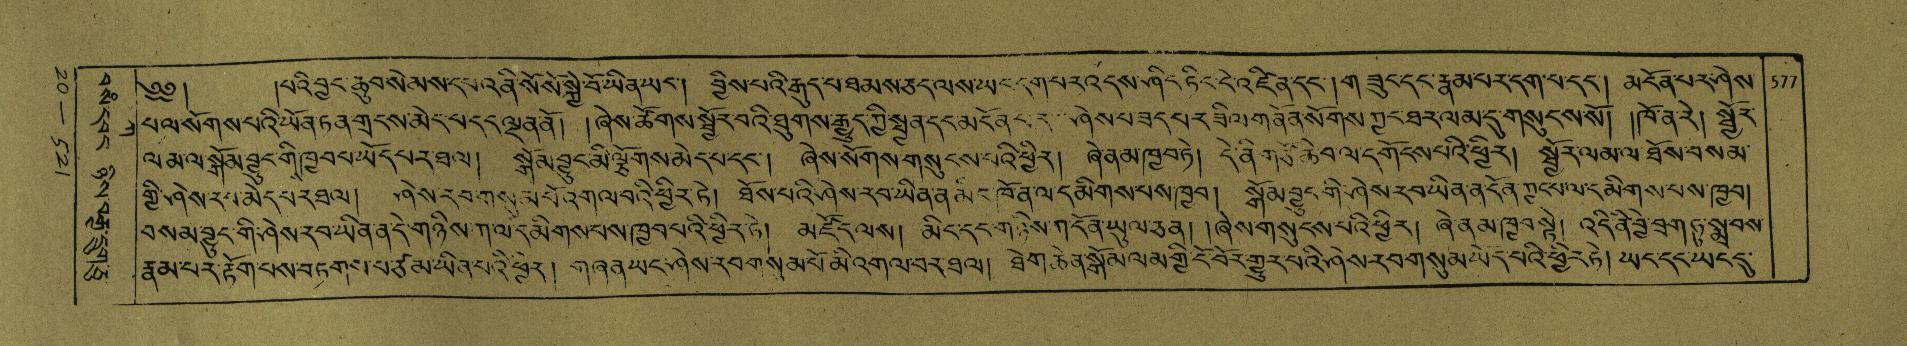༄༅། །པའི་བྱང་ཆུབ་སེམས་དཔའ་ནི་སོ་སོ་སྐྱེ་བ་ཡིན་ཡང་། བྱིས་པའི་རྒུད་པ་ཐམས་ཅད་ལས་ཡང་དག་པར་འདས་ཤིང་ཏིང་ངེ་འཛིན་དང་། གཟུང་དང་རྣམ་པར་དག་པ་དང་། མངོན་པར་ཤེས་
པ་ལ་སོགས་པའི་ཡོན་ཏན་གྲངས་མེད་པ་དང་ལྡན་ནོ། །ཞེས་ཚོགས་སྦྱོར་བའི་ཐུགས་རྒྱུད་ཀྱི་སྤྱན་དང་མངོན་པར་ཤེས་པ་ཟད་པ་ཟིལ་གནོན་སོགས་ཀྱང་ཐར་ལམ་དུ་གསུངས་སོ། །ཁོ་ན་རེ། སྦྱོར་
ལམ་ལ་སྒོམ་བྱུང་གིས་ཁྱབ་པ་ཡོད་པར་ཐལ། སྒོམ་བྱུང་མི་ལྕོགས་མེད་པ་དང་། ཞེས་སོགས་གསུངས་པའི་ཕྱིར། ཞེ་ན་མ་ཁྱབ་ཏེ། དེ་ནི་གཙོ་ཆེ་བ་ལ་དགོངས་པའི་ཕྱིར། སྦྱོར་ལམ་ལ་ཐོས་བསམ་
གྱི་ཤེས་རབ་མེད་པར་ཐལ། ཤེས་རབ་གསུམ་པོ་འགལ་བའི་ཕྱིར་ཏེ། ཐོས་པའི་ཤེས་རབ་ཡིན་ན་མིང་ཁོ་ན་ལ་དམིགས་པས་ཁྱབ། སྒོམ་བྱུང་གི་ཤེས་རབ་ཡིན་ན་དོན་ཀྱང་པ་ལ་དམིགས་པས་ཁྱབ།
བསམ་བྱུང་གི་ཤེས་རབ་ཡིན་ན་དེ་གཉིས་ཀ་ལ་དམིགས་པས་ཁྱབ་པའི་ཕྱིར་ཏེ། མཛོད་ལས། མིང་དང་གཉིས་ཀ་དོན་ཡུལ་ཅན། །ཞེས་གསུངས་པའི་ཕྱིར། ཞེ་ན་མ་ཁྱབ་སྟེ། འདི་ནི་བྱེ་བྲག་ཏུ་སྨྲ་བས་
རྣམ་པར་རྟོག་པས་བཏགས་པ་ཙམ་ཡིན་པའི་ཕྱིར། གཞན་ཡང་ཤེས་རབ་གསུམ་པོ་མི་འགལ་བར་ཐལ། ཐེག་ཆེན་སྒོམ་ལམ་གྱི་ངོ་བོར་གྱུར་པའི་ཤེས་རབ་གསུམ་ཡོད་པའི་ཕྱིར་ཏེ། ཡང་དང་ཡང་དུ་